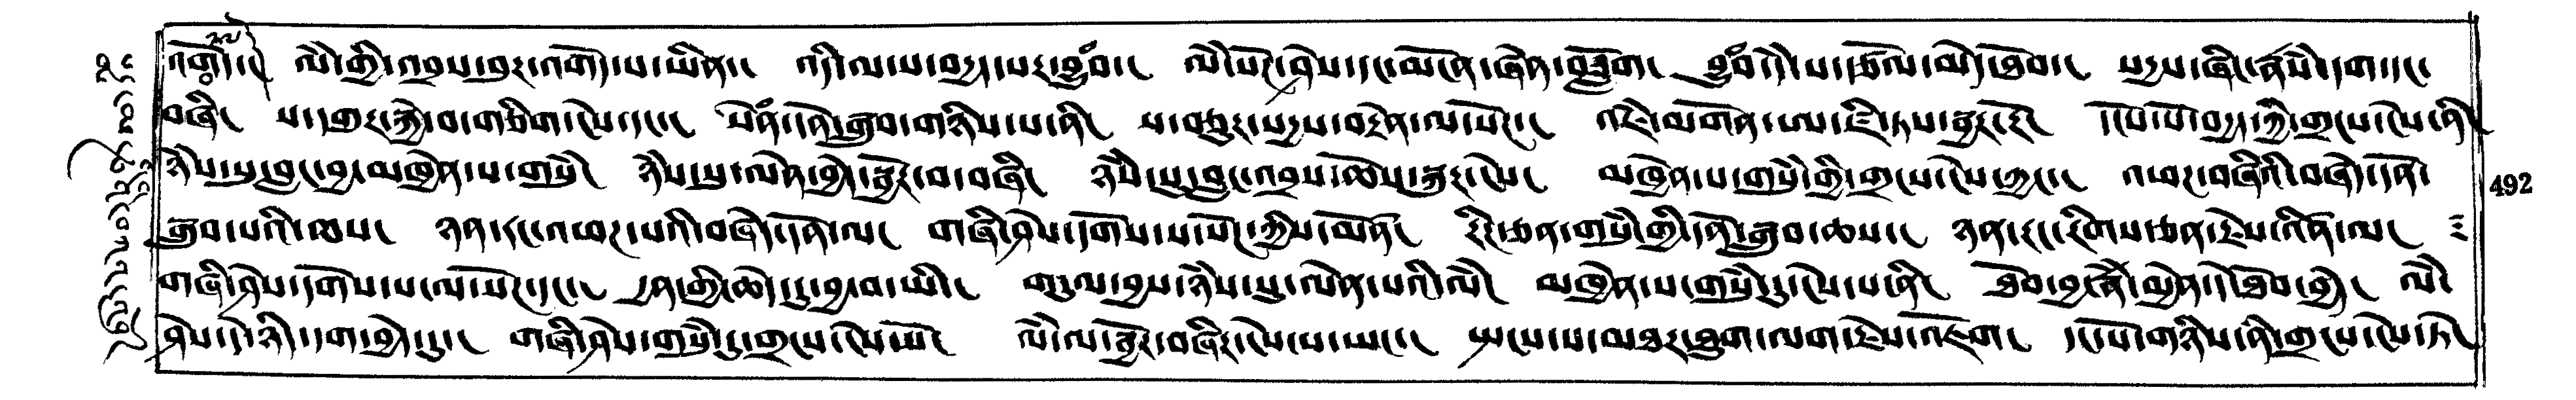འགོད། །ལམ་གྱི་འབྲས་བུར་འགོད་པ་ཡིན། །འདི་ལ་ས་བརྒྱད་པར་བྱང་ཆུབ། །ལམ་སོགས་ཤེས་དང་མངོན་ཞེན་བཟློག།བྱང་ཆུབ་དམ་པ་རྩོལ་མེད་ཐོབ། །སངས་རྒྱས་ཞིང་རྣམ་དག་དང་
བཞི། །ས་དགུར་སྐྱེ་བ་གཅིག་ངེས་དང་། །སེམས་ཅན་དོན་སྒྲུབ་གཉིས་པ་ནི། །ས་བཅུར་སངས་རྒྱས་བསྟེན་ལ་སོགས། །འཇམ་མགོན་ཨ་ཛི་ཏས་སྦྱར་རོ། །དངོས་པོ་བརྒྱད་ཀྱི་གྲངས་ངེས་ནི། །
ཉམས་སུ་བླང་བྱ་མཁྱེན་པ་གསུམ། །ཉམས་སུ་ལེན་བྱེད་སྦྱོར་བ་བཞི། །ཉམས་སུ་བླང་འབྲས་ཆོས་སྐུར་ངེས། །མཁྱེན་པ་གསུམ་གྱི་གྲངས་ངེས་ཀྱང་། །འཕགས་བཞིའི་བཞེད་དོན་
སྒྲུབ་པའི་ཆས། །ཉན་རང་འཕགས་པའི་བཞེད་དོན་ལ། །གཞི་ཤེས་དགོས་པ་སོགས་ཀྱིས་མཚན། །རིགས་ཅན་གསུམ་གྱི་དོན་སྒྲུབ་ཆས། །ཉན་རང་རིགས་ཅན་རྗེས་འཛིན་ལ། །
གཞི་ཤེས་དགོས་པ་ལ་སོགས་དང་། །རྒྱན་གྱི་ཆེད་དུ་བྱ་བ་ཡི། །གདུལ་བྱས་ཉམས་སུ་ལེན་པའི་ལམ། །མཁྱེན་པ་གསུམ་དུ་ངེས་པ་ནི། །འཐོབ་བྱ་རྣམ་མཁྱེན་དེ་ཐོབ་བྱེད། །ལམ་
ཤེས་དེ་ཉིད་དག་བྱེད་དུ། །གཞི་ཤེས་གསུམ་དུ་གྲངས་ངེས་སོ། །ལམ་ལ་སྦྱོར་བཞིར་ངེས་པ་ཡང་། །སྤངས་པ་མཐར་ཐུག་ལག་རྗེས་འཇོག །དང་པོ་གཉིས་ནི་གྲངས་ངེས་ཏེ།།